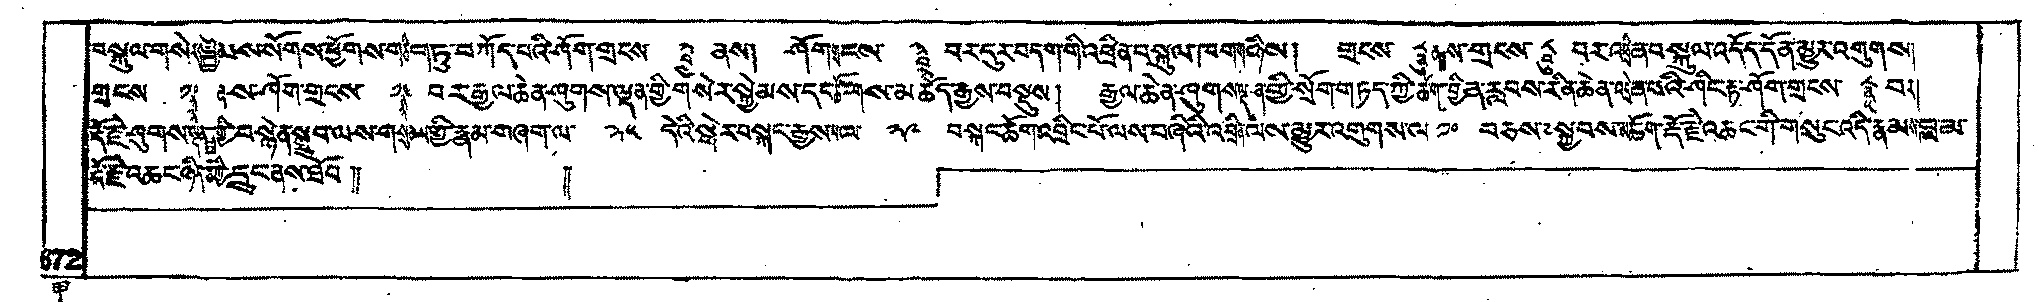བསྐུལ་གསེར་སྐྱེམས་སོགས་ཕྱོགས་གཅིག་ཏུ་བཀོད་པའི་ཤོག་གྲངས ༢བ༤་ནས། ཤོག་གྲངས ༣བ༣་བར་དུར་བདག་གི་འཕྲིན་བསྐུལ་ཁག་གཉིས། གྲངས ༨ན༦་ནས་གྲངས ༨བ༦་བར་འཕྲིན་བསྐུལ་འདོད་དོན་མྱུར་འགུགས།
གྲངས ༡༠༣༣་ནས་ཤོག་གྲངས ༡༤ན༢་བར་རྒྱལ་ཆེན་ཤུགས་ལྡན་གྱི་གསེར་སྐྱེམས་དང་ཚོགས་མཆོད་རྒྱས་བསྡུས། རྒྱལ་ཆེན་ཤུགས་ལྡན་གྱི་སྲོག་གཏད་ཀྱི་ཆོ་ག་བྱིན་རླབས་རིན་ཆེན་འདྲེན་པའི་ཤིང་རྟ་ཤོག་གྲངས ༨ན༥་བར།
རྡོ་རྗེ་ཤུགས་ལྡན་གྱི་བསྙེན་སྒྲུབ་ལས་གསུམ་གྱི་རྣམ་གཞག་ལ ༣༥་དེའི་སྒེར་བསྐང་རྒྱས་པ་ལ ༢༩་བསྐང་ཆོག་འབྲིང་པོ་ལས་བཞིའི་འཕྲིན་ལས་མྱུར་འགུགས་ལ ༡༠་བཅས ༧སྐྱབས་མཆོ་རྡོ་རྗེ་འཆང་གི་གསུང་འདི་ནམས་བླ་མ་
རྡོ་རྗེ་འཆང་ཉིད་ཀྱི་དྲུང་ནས་ཐོབ།། །